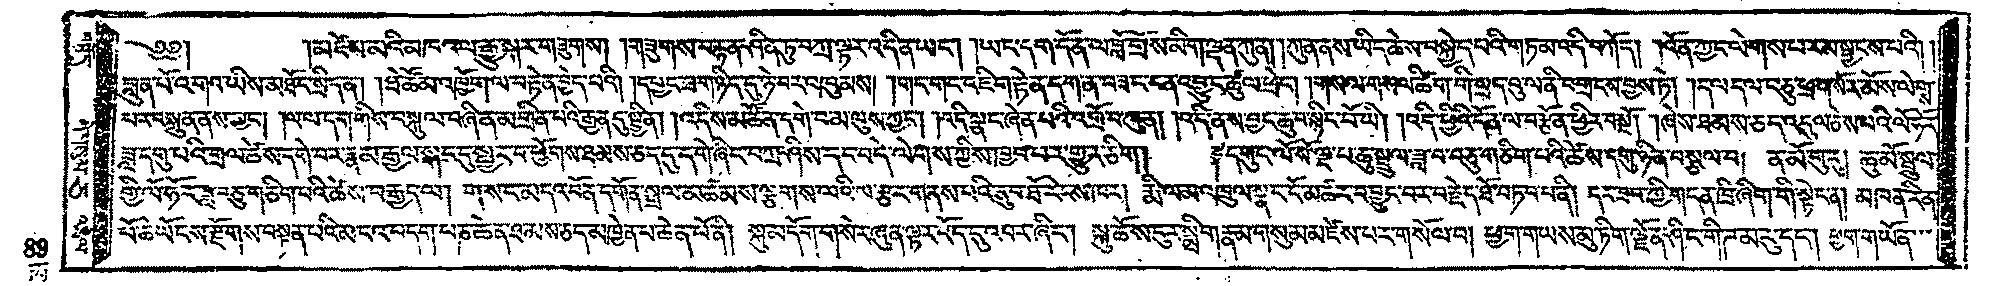༄༅། །མཛེས་མའི་མཁའ་ལ་རྒྱུ་སྐར་གཟུགས། །གཟུགས་བརྙན་ཤིན་ཏུ་བཀྲ་ལྟར་འདི་ན་ཡང་། །ཡང་དག་དོན་ལ་བློ་གྲོས་མིག་ལྡན་ཀུན། །ཀུན་ནས་ཡིད་ཆེས་བསྐྱེད་པའི་གཏམ་འདི་བཀོད། །འོན་ཀྱང་ལེགས་པར་མ་སྦྱངས་པའི། །
བླུན་པོ་འགའ་ཡིས་མཐོང་སྲིད་ན། །ཐེ་ཚོམ་འཁྱོག་ལ་བརྟེན་བྱེད་པའི། །དཔྱང་ཐག་ཉིད་དུ་ཉེ་བར་འཁུམས། །གང་གང་འཇིག་རྟེན་དག་ན་བཟང་ངན་འབྱུང་ཚུལ་ཕྲེང་། །གསལ་གསལ་ཚིག་གི་སྲད་བུ་ལ་ནི་བགྲངས་བྱས་ཏེ། །དལ་དལ་བཅུ་ཕྲག་སོར་མོས་ལེགས་
པར་བསྐྲུན་ནས་ཀྱང་། །ལ་ལ་དག་གིས་བསྐུལ་བཞིན་མགྲིན་པའི་རྒྱན་དུ་སྦྱིན། །འདིས་མཚོན་དགེ་བ་མ་ལུས་ཀྱང་། །འདི་སྣང་ཞེན་པའི་འགྲོ་བ་ཀུན། །འདི་ནས་བྱང་ཆུབ་སྙིང་པོ་ཡི། །འདི་ཕྱིའི་དོན་ལ་བརྩོན་ཕྱིར་བསྔོ། །ཞེས་ཐམས་ཅད་འདུལ་ཅེས་པའི་ལོ་ཧོར་
ཟླ་དགུ་པའི་གྲལ་ཚེས་དགེ་བར་རྣམ་རྒྱལ་སྒང་དུ་སྦྱར་བ་ཕྱོགས་ཐམས་ཅད་དུ་དགེ་ཞིང་བཀྲ་ཤིས་དང་བདེ་ལེགས་ཀྱིས་ཁྱབ་པར་གྱུར་ཅིག ། ༈ དགུང་ལོ་སོ་ལྔ་པ་ཆུ་སྦྲུལ་ཟླ་བ་བཅུ་གཅིག་པའི་ཚེས་དགུ་ཉིན་བསྩལ་བ། ན་མོ་གུ་རུ། ཆུ་མོ་སྤྲུལ་
གྱི་ལོ་ཧོར་ཟླ་བཅུ་གཅིག་པའི་ཚེས་བརྒྱད་ལ། གསང་མདའ་བོན་དགོན་སྒྲལ་མཚམས་ལྕགས་ལའི་ལ་རྩར་གནས་པའི་ནུབ་ཐོ་རེངས་ཁར། རྨི་ལམ་འཁྲུལ་སྣང་ངོ་མཚར་བ་བྱུང་བར་བརྗེད་ཐོ་བཏབ་པ་ནི། དར་ཟབ་ཀྱི་གདན་ཁྲི་ཞིག་གི་སྟེང་ན། མཁན་རིན་
པོ་ཆེ་ཡོངས་རྫོགས་བསྟན་པའི་མངའ་བདག་པཎ་ཆེན་ཐམས་ཅད་མཁྱེན་པ་ཆེན་པོ་ནི། སྐུ་མདོག་གསེར་ཞུན་ལྟར་འོད་དུ་འབར་ཞིང་། སྐུ་ཆོས་ངུར་སྨྲིག་རྣམ་གསུམ་མཛེས་པར་གསོལ་བ། ཕྱག་གཡས་མུ་ཏིག་ལྗོན་ཤིང་གི་ཌ་མ་རུ་དང་། ཕྱག་གཡོན་